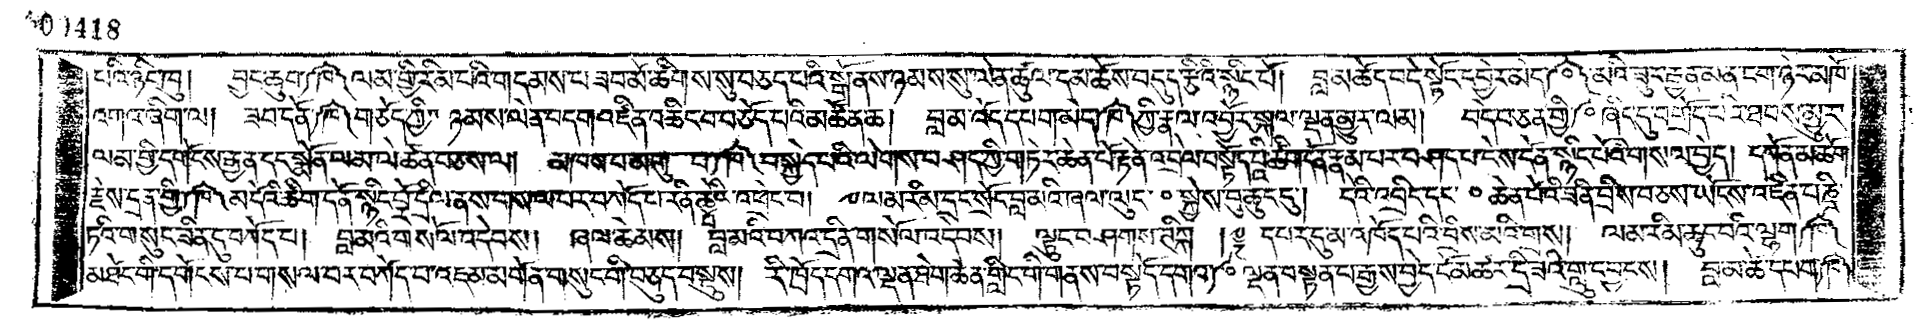པའི་ཉིང་ཁུ། བྱང་ཆུབ ༼ཁ༽ ལམ་གྱི་རིམ་པའི་གདམས་པ་ཟབ་མོ་ཚིགས་སུ་བཅད་པའི་སྒོ་ནས་ཉམས་སུ་ལེན་ཚུལ་དམ་ཆོ་བདུད་རྩིའི་སྙིང་པོ། བླ་མཆོད་བདེ་སྟོང་དབྱེར་མེད ༼྾༽ མའི་ཟུར་རྒྱན་མན་ངག་ཉེར་མཁོ་
འགའ་ཞིག་ལ། ཟབ་དོན ༼ཁ༽ གཅོད་ཀྱི་ཉམས་ལེན་བདག་འཛིན་འཆིང་བ་བཅོད་པའི་མཚོན་ཆ། བླ་མ་འོད་དཔག་མེད ༼ཁ༽ ཀྱི་རྣལ་འབྱོར་སྐལ་ལྡན་མྱུར་ལམ། བདེ་བ་ཅན་གྱི༼྾༽ ཞིང་དུ་འགྲོད་པའི་ཐབས་མྱུར་
ལམ་གྱི་དགོངས་རྒྱན་དང་སྨོན་ལམ་ལེ་ཚན་བཅས་ལ། མཁས་པ་མགུ་པ ༼ཁ༽ བསྐྱེད་པའི་ལེགས་བཤད་ཀྱི་གཏེར་ཆེན་པོ་རྟེན་འབྲེལ་བསྟོད་པའི་ཚིག་དོན་རྣམ་པར་བཤད་པ་ངེས་དོན་སྙིང་པོའི་གསལ་བྱེད། དཀོན་མཆོག་
རྗེས་དྲན་གྱི ༼ཁ༽ མདོའི་ཚིག་དོན་སྙིང་པོར་དྲིལ་ནས་གསལ་བར་བཀོད་པ་རིན་པོ་ཆེའི་འཕྲེང་བ། ༧ལམ་རིམ་དྲང་རོང་བླ་མའི་ཞལ་ལུང་྾་སྐྱེས་བུ་ཆུང་ངུ། དེའི་འབྲིང་དང་ཆེན་པོའི་ཟིན་བྲིས་བཅས་ཡོངས་འདོན་པནྜི་
ཏའི་གསུང་ཟིན་དུ་བཀོད་པ། བླ་མའི་གསོལ་འདེབས། ཞལ་ཆེམས། བླ་མའི་བཀའ་དྲིན་གསོལ་འདེབས། ལྟུང་བཤགས་ཊིཀྐ།༈ དཔར་དུ་མ་འཁྲོད་པའི་བྲིས་མའི་གྲས། ལམ་རིམ་ཆུང་བའི་ལྷག ༼ཁ༽
མཐོང་གི་དགོངས་པ་གསལ་བར་བཀོད་པ་འཇམ་མགོན་གསུང་གི་བཅུད་བསྡུས། རི་ཁྲོད་དགའ་ལྡན་ཐེག་ཆེན་གླིང་གི་གནས་བསྟོད་དགའ ༼྾་ལྡན་བསྟན་པ་རྒྱས་བྱེད་ངོ་མཚར་དྲི་ཟཱ་གླུ་དབྱངས། བླ་མ་ཚེ་དཔག་༽ཁ